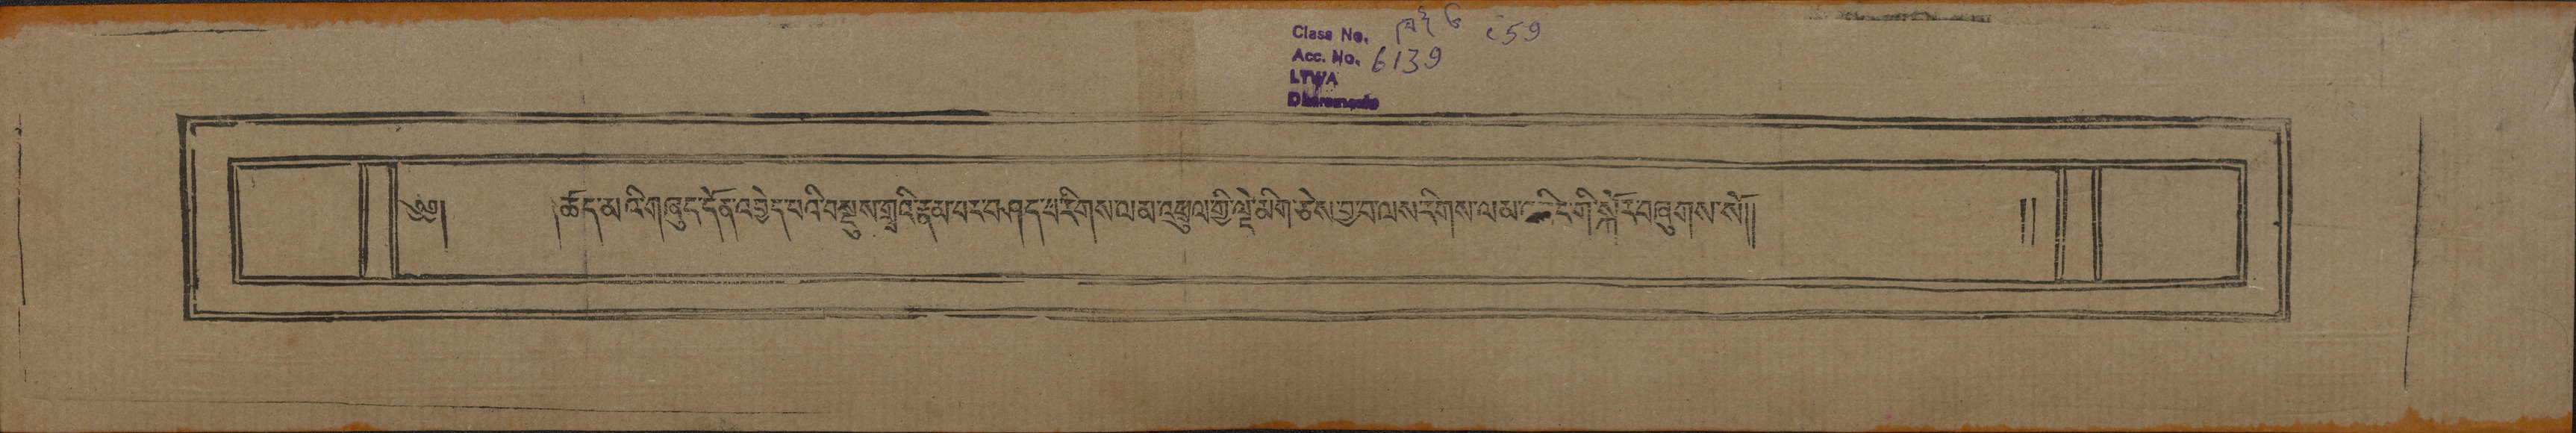༄༅། །ཚད་མའི་གཞུང་དོན་འབྱེད་པའི་བསྡུས་གྲྭའི་རྣམ་པར་བཤད་པ་རིགས་ལམ་འཕྲུལ་གྱི་ལྡེ་མིག་ཅེས་བྱ་བ་ལས་རིགས་ལམ་འབྲིང་གི་སྐོར་བཞུགས་སོ། ། ། །